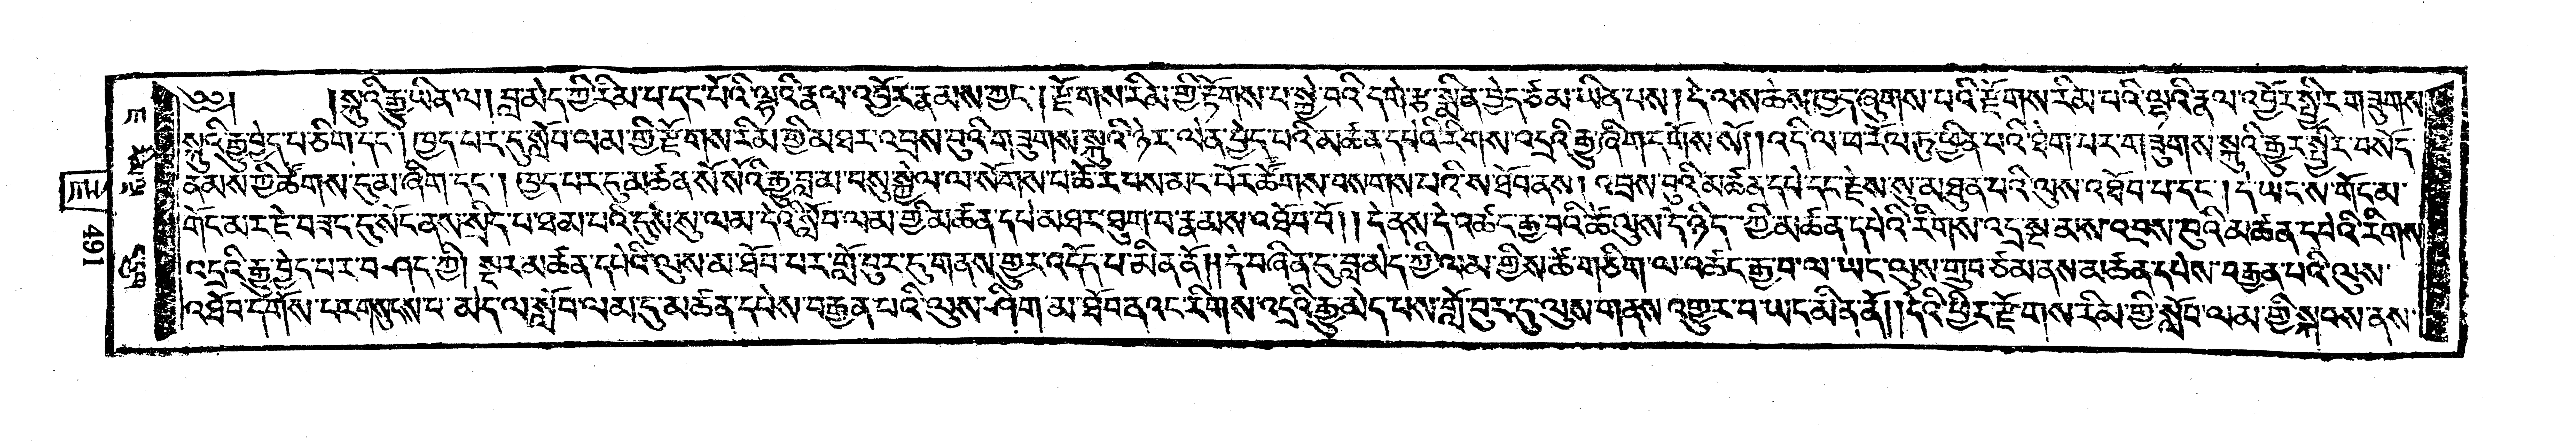༄༅། །སྐུའི་རྒྱུ་ཡིན་ལ། བླ་མེད་ཀྱི་རིམ་པ་དང་པོའི་ལྷའི་རྣལ་འབྱོར་རྣམས་ཀྱང་། རྫོགས་རིམ་གྱི་རྟོགས་པ་སྐྱེ་བའི་དགེ་རྩ་སྨིན་བྱེད་ཙམ་ཡིན་པས། དེ་ལས་ཆེས་ཁྱད་ཞུགས་པའི་རྫོགས་རིམ་པའི་ལྷའི་རྣལ་འབྱོར་སྤྱིར་གཟུགས་
སྐུའི་རྒྱུ་བྱེད་པ་ཅིག་དང་། ཁྱད་པར་དུ་སློབ་ལམ་གྱི་རྫོགས་རིམ་གྱི་མཐར་འབྲས་བུའི་གཟུགས་སྐུའི་ཉེར་ལེན་བྱེད་པའི་མཚན་དཔེའི་རིགས་འདྲའི་རྒྱུ་ཞིག་དགོས་སོ། །འདི་ལ་ཕ་རོལ་ཏུ་ཕྱིན་པའི་ཐེག་པར་གཟུགས་སྐུའི་རྒྱུར་སྤྱིར་བསོད་
ནམས་ཀྱི་ཚོགས་དུ་མ་ཞིག་དང་། ཁྱད་པར་དུ་མཚན་སོ་སོའི་རྒྱུ་བླ་མ་བསུ་སྐྱེལ་ལ་སོགས་པ་ཚེ་རབས་མང་པོར་ཚོགས་བསགས་པའི་ས་ཐོབ་ནས། འབྲས་བུའི་མཚན་དཔེ་དང་། རྗེས་སུ་མཐུན་པའི་ལུས་འཐོབ་པ་དང་། དེ་ཡང་ས་གོང་མ་
གོང་མར་ཇེ་བཟང་དུ་སོང་ནས་སྲིད་པ་ཐམ་པའི་དུས་སུ་ལམ་དེའི་སློབ་ལམ་གྱི་མཚན་དཔེ་མཐར་ཐུག་པ་རྣམས་འཐོབ་བོ། །དེ་ནས་དེ་འཚང་རྒྱ་བའི་ཚེ་ལུས་དེ་ཉིད་ཀྱི་མཚན་དཔེའི་རིགས་འདྲ་སྔ་མས་འབྲས་བུའི་མཚན་དཔེའི་རིགས་
འདྲའི་རྒྱུ་བྱེད་པར་བཤད་ཀྱི། སྔར་མཚན་དཔེའི་ལུས་མ་ཐོབ་པར་གློ་བུར་དུ་གནས་གྱུར་འདོད་པ་མིན་ནོ། །དེ་བཞིན་དུ་བླ་མེད་ཀྱི་ལམ་གྱིས་ཚེ་གཅིག་ལ་འཚང་རྒྱ་བ་ལ་ཡང་ལུས་གྲུབ་ཙམ་ནས་མཚན་དཔེས་བརྒྱན་པའི་ལུས།
འཐོབ་དགོས་པར་གསུངས་པ་མེད་ལ་སློབ་ལམ་དུ་མཚན་དཔེས་བརྒྱན་པའི་ལུས་ཤིག་མ་ཐོབ་ནའང་རིགས་འདྲའི་རྒྱུ་མེད་པས་གློ་བུར་དུ་ལུས་གནས་འགྱུར་བ་ཡང་མིན་ནོ། །དེའི་ཕྱིར་རྫོགས་རིམ་གྱི་སློབ་ལམ་གྱི་སྐབས་ནས་